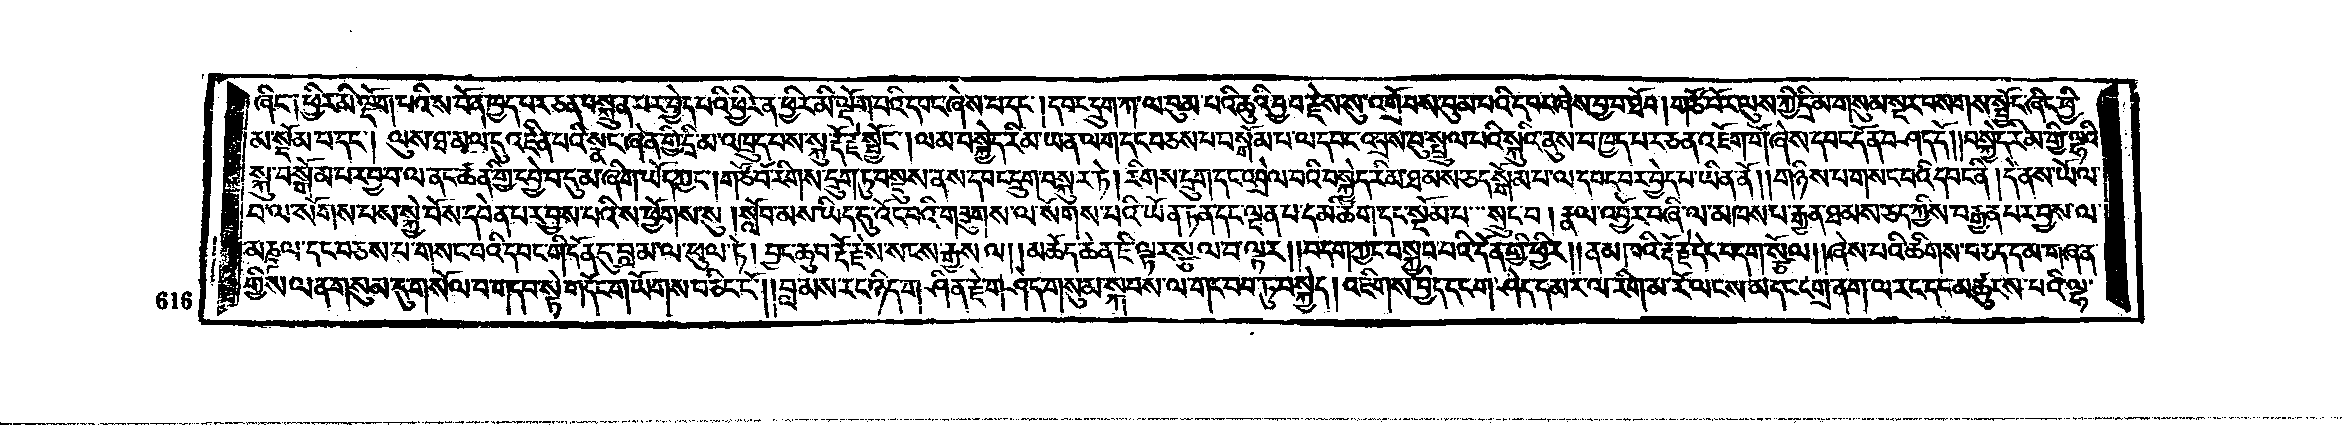ཞིང་། ཕྱིར་མི་ལྡོག་པའི་ས་བོན་ཁྱད་པར་ཅན་བསྐྲུན་པར་བྱེད་པའི་ཕྱིར་ན་ཕྱིར་མི་ལྡོག་པའི་དབང་ཞེས་པ་དང་། དབང་དྲུག་ཀ་ལ་བུམ་པའི་ཆུའི་བྱ་བ་རྗེས་སུ་འགྲོ་བས་བུམ་པའི་དབང་ཞེས་བྱ་བ་ཐོབ། གཙོ་བོར་ལུས་ཀྱི་དྲི་མ་གསུམ་སྔར་བསགས་སྦྱོང་ཞིང་ཕྱི་
མ་སྡོམ་པ་དང་། ལུས་ཐ་མལ་དུ་འཛིན་པའི་སྣང་ཞེན་གྱི་དྲི་མ་འཁྲུད་པས་སྐུ་རྡོ་རྗེ་སྦྱོང་། ལམ་བསྐྱེད་རིམ་ཡན་ལག་དང་བཅས་པ་བསྒོམ་པ་ལ་དབང་འབྲས་བུ་སྤྲུལ་པའི་སྐུའི་ནུས་པ་ཁྱད་པར་ཅན་འཇོག་གོ་ཞེས་དབང་དོན་བཤད་དོ། །བསྐྱེད་རིམ་གྱི་ལྷའི་
སྐུ་བསྒོམ་པར་བྱ་བ་ལ་ནང་ཚན་གྱི་དབྱེ་བ་དུ་མ་ཞིག་ཡོད་ཀྱང་། གཙོ་བོ་རིགས་དྲུག་ཏུ་བསྡུས་ནས་དབང་དྲུག་བསྐུར་ཏེ། རིགས་དྲུག་དང་འབྲེལ་བའི་བསྐྱེད་རིམ་ཐམས་ཅད་སྒོམ་པ་ལ་དབང་བར་བྱེད་པ་ཡིན་ནོ། །གཉིས་པ་གསང་བའི་དབང་ནི། དེ་ནས་ཡོལ་
བ་ལ་སོགས་པས་སྐྱེ་བོས་དབེན་པར་བྱས་པའི་ས་ཕྱོགས་སུ། སློབ་མས་ཡིད་དུ་འོང་བའི་གཟུགས་ལ་སོགས་པའི་ཡོན་ཏན་དང་ལྡན་པ་དམ་ཚིག་དང་སྡོམ་པ་སྲུང་བ། རྣལ་འབྱོར་བཞི་ལ་མཁས་པ་རྒྱན་ཐམས་ཅད་ཀྱིས་བརྒྱན་པར་བྱས་ལ་
མཎྜལ་དང་བཅས་པ་གསང་བའི་དབང་གི་དོན་དུ་བླ་མ་ལ་ཕུལ་ཏེ། བྱང་ཆུབ་རྡོ་རྗེས་སངས་རྒྱས་ལ། །མཆོད་ཆེན་ཇི་ལྟར་སྩལ་བ་ལྟར། །བདག་ཀྱང་བསྐྱབ་པའི་དོན་གྱི་ཕྱིར། །ནམ་མཁའི་རྡོ་རྗེ་དེང་བདག་སྩོལ། །ཞེས་པའི་ཚིགས་བཅད་དམ་གཞན་
གྱིས་ལན་གསུམ་དུ་གསོལ་བ་གདབ་སྟེ་གདོང་གཡོགས་བཅིང་ངོ། །བླ་མས་རང་ཉིད་གཤིན་རྗེ་གཤེད་གསུམ་སྐབས་ལ་གང་བབ་ཏུ་བསྐྱེད། འཇིགས་བྱེད་དང་གཤེད་དམར་ལ་རིག་མ་རོ་ལངས་མ་དང་དགྲ་ནག་ལ་རང་དང་མཚུངས་པའི་ལྷ་